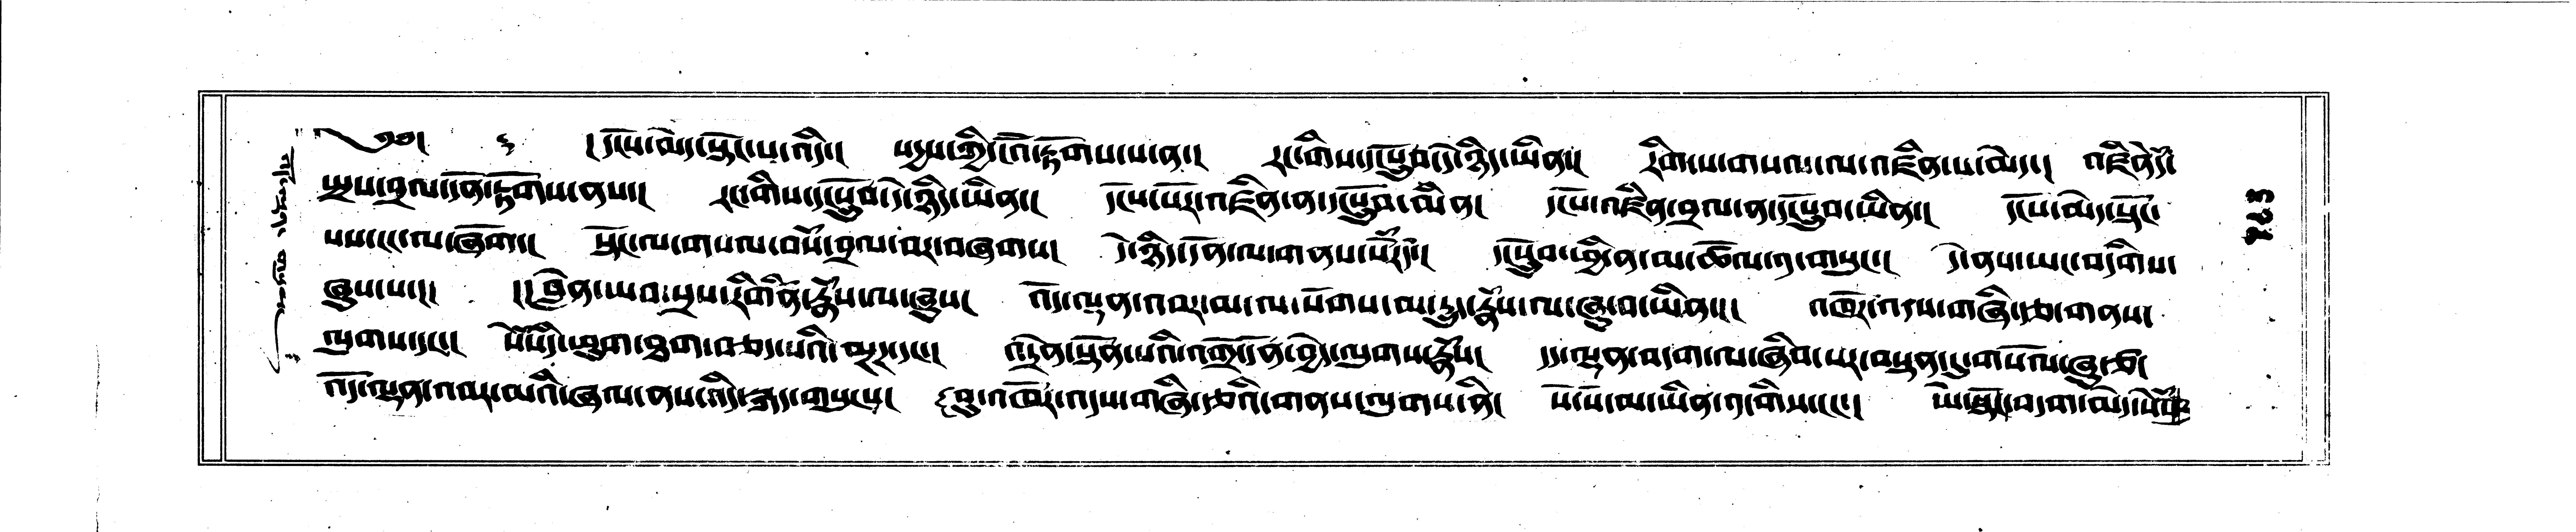དངོས་མེད་སྟོང་པ་འདི། །སངས་རྒྱས་ཀྱི་ངོའོ་རྟོགས་པ་ན། །རང་གི་དངོས་གྲུབ་དེ་ཉིད་ཡིན། །རིག་པ་གསལ་ལ་འཛིན་པ་མེད། །འཛིན་མེད་
སྤྲོས་བྲལ་དོན་རྟོགས་ནས། །རང་གི་དངོས་གྲུབ་དེ་ཉིད་ཡིན། །དངོས་པོར་འཛིན་ན་དངོས་གྲུབ་མིན། །དངོས་འཛིན་བྲལ་ན་དངོས་གྲུབ་ཡིན། །དངོས་མེད་སྟོང་
པས་༼པའི༽ངང་ལ་ཞོག །སྟོང་ལ་གསལ་བསམ་བྲལ་བར་བཞག །དེ་ཉིད་དོན་ལ་གནས་པར་མཛོད། །དངོས་གྲུབ་ཕྱི་ན་མ་འཚོལ་ཅིག་གསུངས། །དེ་ནས་ཡང་བདག་གིས་
ཞུས་པ། བླ་ཆེན་ཡབ་སྲས་རིག་འཛིན་རྣམས་ལ་ཞུས། འོད་ལྡན་འབར་མ་ལ་སོགས་མ་རྒྱུད་རྣམས་ལ་ཞུ་བ་ཡིན། འཁོར་འདས་གཞི་རྩ་གནས་
ལུགས་དང་། སེམས་ཉིད་ཕུག་ཐག་བཅད་པའི་མན་ངག་དང་། འདྲེན་སྟོན་པས་འགྲོ་དོན་བྱེད་ལུགས་རྣམས། དད་ལྡན་བདག་ལ་ཞིབ་པར་བསྟན་ཏུ་གསོལ་ཞུས་ཙ། 
འོད་ལྡན་འབར་མའི་ཞལ་ནས་འདི་སྐད་གསུངས། ཨེ་མ་སྐྱེས་བུ་རིགས་རྒྱུད་ཅན། །འགྲོ་དོན་མཛོད་དང་ནུས་པའི་རིགས། །ཐམས་ཅད་ཁྱོད་ལ་རྫོགས་ནས་སྣང་། །འོན་ཀྱང་ཉོན་དང་བདག་གིས་བཤད་གསུངས། བུ་འཁོར་འདས་གཞི་རྩའི་གནས་ལུགས་ནི། སོ་སོ་མ་ཡིན་གཅིག་གི་ངང་། །ཡེ་སྟོང་བདག་མེད་